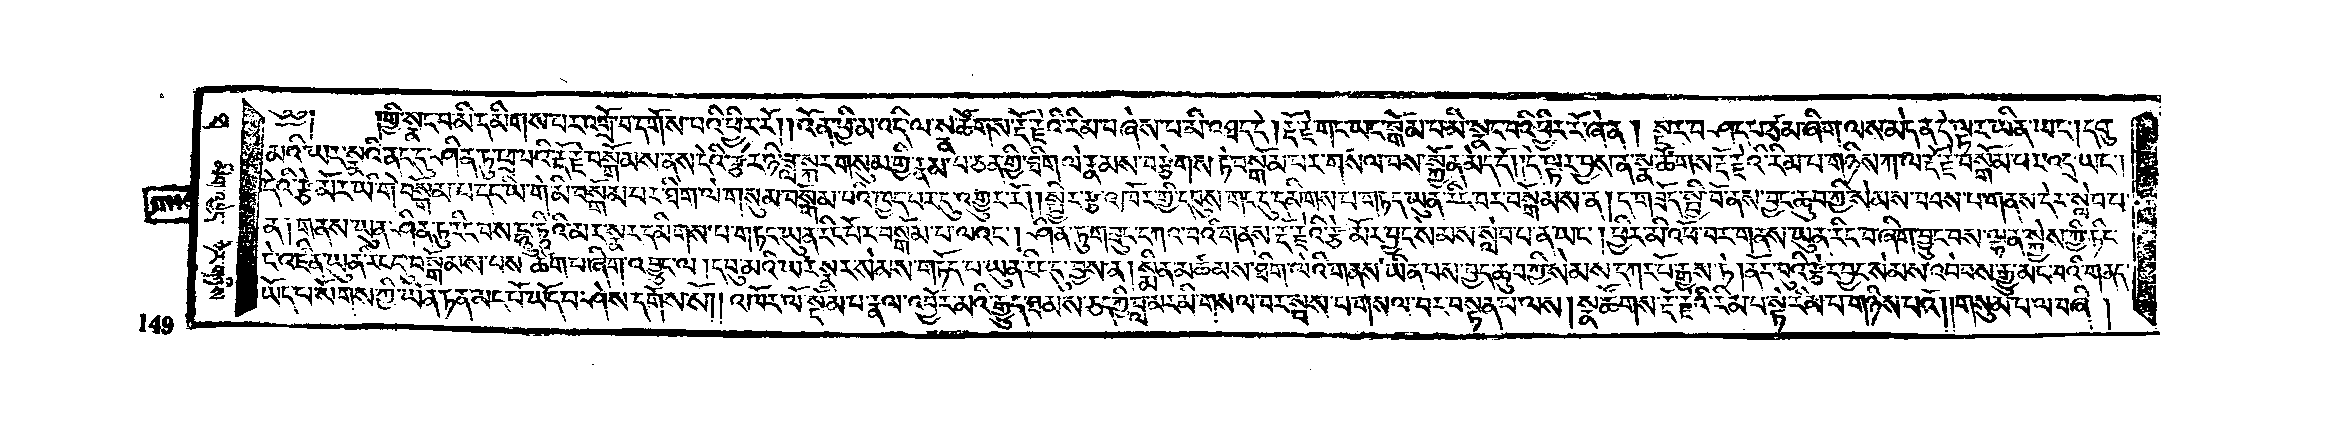༄༅། །གྱི་སྣང་བ་མི་དམིགས་པར་འགྲོ་བ་དགོས་པའི་ཕྱིར་རོ། །འོན་ཕྱི་མ་འདི་ལ་སྣ་ཚོགས་རྡོ་རྗེའི་རིམ་པ་ཞེས་པ་མི་འཐད་དེ། རྡོ་རྗེ་གང་ཡང་སྒོམ་པ་མི་སྣང་བའི་ཕྱིར་རོ་ཞེ་ན། སྔར་བཤད་པ་ཙམ་ཞིག་ལས་མེད་ན་དེ་ལྟར་ཡིན་ཡང་། དབུ་
མའི་ཡར་སྣའི་ནང་དུ་ཤིན་ཏུ་ཕྲ་བའི་རྡོ་རྗེ་བསྒོམས་ནས་དེའི་རྩེར་ཉི་ཟླ་སྐར་གསུམ་གྱི་རྣམ་པ་ཅན་གྱི་ཐིག་ལེ་རྣམས་བརྩེགས་ཏེ་བསྒོམ་པར་གསལ་བས་སྐྱོན་མེད་དོ། །དེ་ལྟར་བྱས་ན་སྣ་ཚོགས་རྡོ་རྗེའི་རིམ་པ་གཉིས་ཀ་ལ་རྡོ་རྗེ་བསྒོམ་པར་འདྲ་ཡང་།
དེའི་རྩེ་མོར་ཡི་གེ་བསྒོམ་པ་དང་ཡི་གེ་མི་བསྒོམ་པར་ཐིག་ལེ་གསུམ་བསྒོམ་པའི་ཁྱད་པར་དུ་འགྱུར་རོ། །སྤྱིར་རྩ་འཁོར་གྱི་དབུས་གང་དུ་དམིགས་པ་གཏད་ཡན་རིང་བར་བསྒོམས་ན། ད་གཟོད་སྤྱི་བོ་ནས་བྱང་ཆུབ་གྱི་སེམས་བབས་པ་གནས་དེར་སླབ་པ་
ན། གནས་ཡུན་ཤིན་ཏུ་རིང་བས་དྷཱུ་ཏཱིའི་མར་སྣར་དམིགས་པ་གཏང་ཡུན་རིང་པོར་བསྒོམ་པ་ལའང་། ཤིན་ཏུ་གཟུང་དཀའ་བའི་གནས་རྡོ་རྗེའི་རྩེ་མོར་བྱང་སེམས་སླེབ་པ་ན་ཡང་། ཕྱིར་མི་འཕོ་བར་གནས་ཡུན་རིང་བ་ཞིག་བྱུང་བས་ལྷན་སྐྱེས་ཀྱི་ཏིང་
ངེ་འཛིན་ཡུན་རིང་དུ་བསྒོམས་པས་ཆོག་པ་ཞིག་འབྱུང་ལ། དབུ་མའི་ཡར་སྣར་སེམས་གཏོད་པ་ཡུན་རིང་དུ་བྱས་ན། སྨིན་མཚམས་ཐིག་ལེའི་གནས་ཡིན་པས་བྱང་ཆུབ་ཀྱི་སེམས་དཀར་པོ་རྒྱས་ཏེ། ནོར་བུའི་རྩེར་བྱང་སེམས་འབེབས་རྒྱུ་མང་བའི་གནད་
ཡོད་པ་སོགས་ཀྱི་ཡོན་ཏན་མང་པོ་ཡོད་པ་ཤེས་དགོས་སོ། །འཁོར་ལོ་སྡོམ་པ་རྣལ་འབྱོར་མའི་རྒྱུད་ཐམས་ཅད་ཀྱི་བླ་མར་མི་གསལ་བར་སྦས་པ་གསལ་བར་བསྟན་པ་ལས། སྣ་ཚོགས་རྡོ་རྗེའི་རིམ་པ་སྟེ་རིམ་པ་གཉིས་པའོ། །གསུམ་པ་ལ་བཞི།